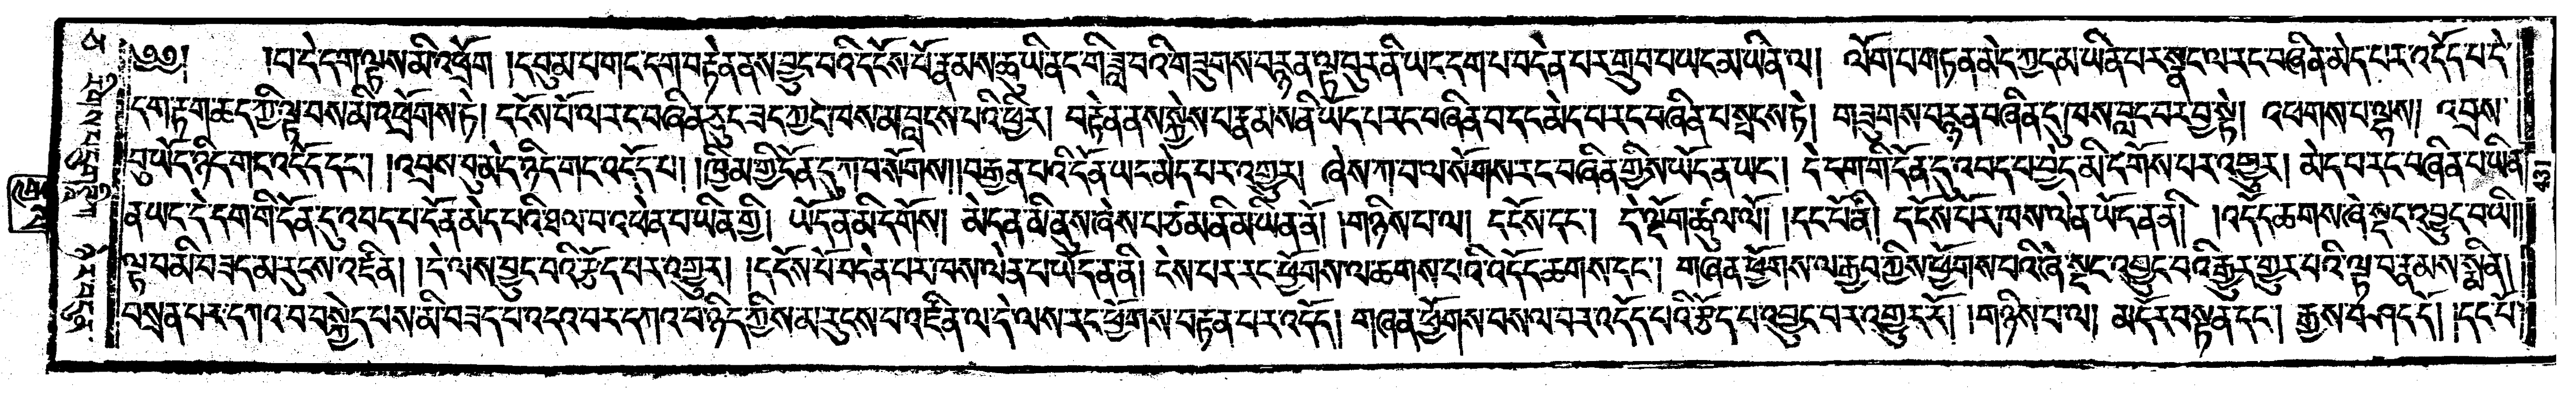༄༅། །པ་དེ་དག་ལྟས་མི་འཕྲོག །དབུ་མ་པ་གང་དག་བརྟེན་ནས་བྱུང་བའི་དངོས་པོ་རྣམས་ཆུ་ཡི་ནང་གི་ཟླ་བའི་གཟུགས་བརྙན་ལྟ་བུར་ནི་ཡང་དག་པ་བདེན་པར་གྲུབ་པ་ཡང་མ་ཡིན་ལ། ལོག་པ་གཏན་མེད་ཀྱང་མ་ཡིན་པར་སྣང་ལ་རང་བཞིན་མེད་པར་འདོད་པ་དེ་
དག་རྟག་ཆད་ཀྱི་ལྟ་བས་མི་འཕྲོགས་ཏེ། དངོས་པོ་ལ་རང་བཞིན་ཅུང་ཟད་ཀྱང་ཁས་མ་བླངས་པའི་ཕྱིར། བརྟེན་ནས་སྐྱེས་པ་རྣམས་ནི་ཡོད་པ་རང་བཞིན་པ་དང་མེད་པ་རང་བཞིན་པ་སྤངས་ཏེ། གཟུགས་བརྙན་བཞིན་དུ་ཁས་བླང་བར་བྱ་སྟེ། འཕགས་པ་ལྷས། འབྲས་
བུ་ཡོད་ཉིད་གང་འདོད་དང་། །འབྲས་བུ་མེད་ཉིད་གང་འདོད་པ། །ཁྱིམ་གྱི་དོན་དུ་ཀ་བ་སོགས། །བརྒྱན་པའི་དོན་ཡང་མེད་པར་འགྱུར། ཞེས་ཀ་བ་ལ་སོགས་རང་བཞིན་གྱིས་ཡོད་ན་ཡང་། དེ་དག་གི་དོན་དུ་འབད་པ་བྱེད་མི་དགོས་པར་འགྱུར། མེད་པ་རང་བཞིན་པ་ཡིན་
ན་ཡང་དེ་དག་གི་དོན་དུ་འབད་པ་དོན་མེད་པའི་ཐལ་བ་འཕེན་པ་ཡིན་གྱི། ཡོད་ན་མི་དགོས། མེད་ན་མི་ནུས་ཞེས་པ་ཙམ་ནི་མ་ཡིན་ནོ། །གཉིས་པ་ལ། དངོས་དང་། དེ་ལྡོག་ཚུལ་ལོ། །དང་པོ་ནི། དངོས་པོར་ཁས་ལེན་ཡོད་ན་ནི། །འདོད་ཆགས་ཞེ་སྡང་འབྱུང་བ་ཡི།།
ལྟ་བ་མི་བཟད་མ་རུངས་འཛིན། །དེ་ལས་བྱུང་བའི་རྩོད་པར་འགྱུར། །དངོས་པོ་བདེན་པར་ཁས་ལེན་པ་ཡོད་ན་ནི། ངེས་པར་རང་ཕྱོགས་ལ་ཆགས་པའི་འདོད་ཆགས་དང་། གཞན་ཕྱོགས་ལ་རྒྱབ་ཀྱིས་ཕྱོགས་པའི་ཞེ་སྡང་འབྱུང་བའི་རྒྱུར་གྱུར་པའི་ལྟ་བ་རྣམས་སྨིན།
བསྲན་པར་དཀའ་བ་བསྐྱེད་པས་མི་བཟད་པ་འདའ་བར་དཀའ་བ་ཉིད་ཀྱིས་མ་རུངས་པ་འཛིན་ལ་དེ་ལས་རང་ཕྱོགས་བརྟན་པར་འདོད། གཞན་ཕྱོགས་བསལ་བར་འདོད་པའི་རྩོད་པ་འབྱུང་བར་འགྱུར་རོ། །གཉིས་པ་ལ། མདོར་བསྟན་དང་། རྒྱས་བཤད་དོ། །དང་པོ་